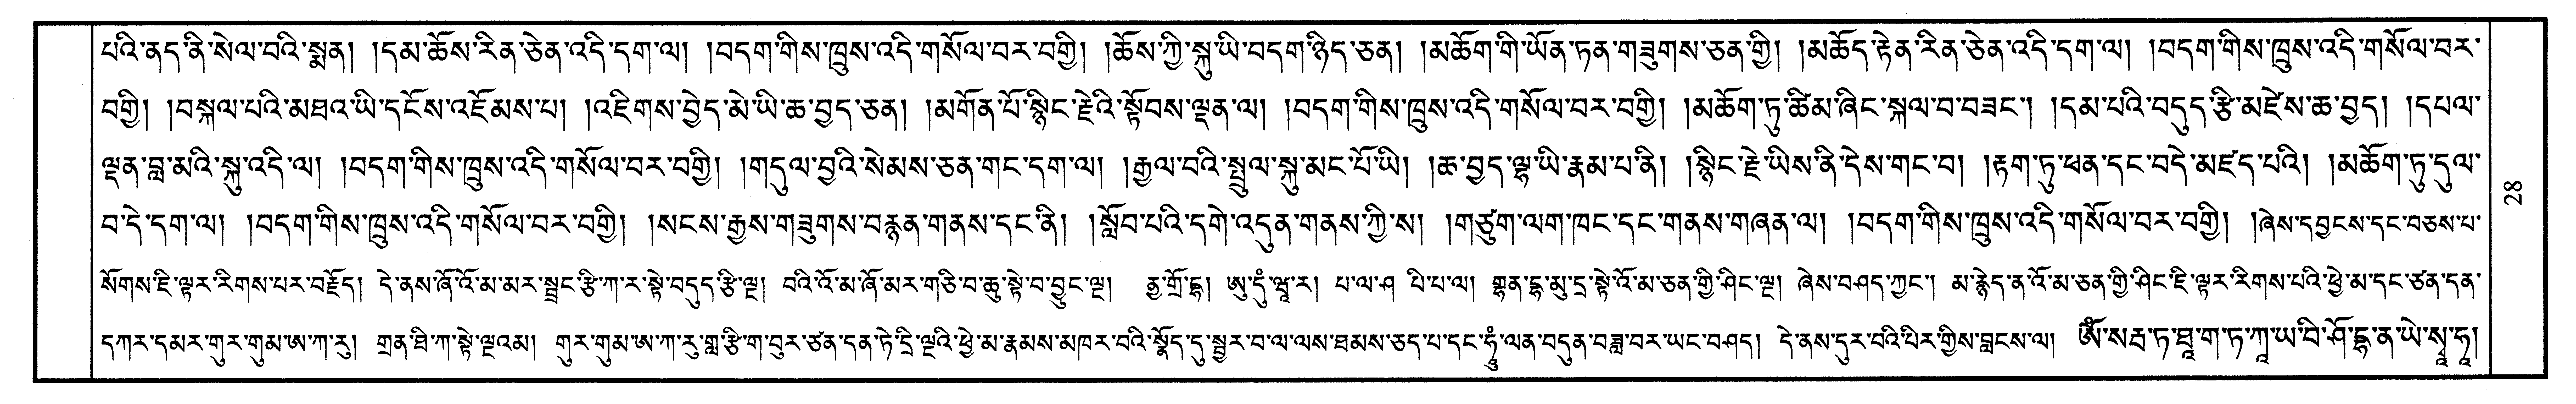པའི་ནད་ནི་སེལ་བའི་སྨན། །དམ་ཆོས་རིན་ཅེན་འདི་དག་ལ། །བདག་གིས་ཁྲུས་འདི་གསོལ་བར་བགྱི། །ཆོས་ཀྱི་སྐུ་ཡི་བདག་ཉིད་ཅན། །མཆོག་གི་ཡོན་ཏན་གཟུགས་ཅན་གྱི། །མཆོད་རྟེན་རིན་ཅེན་འདི་དག་ལ། །བདག་གིས་ཁྲུས་འདི་གསོལ་བར་
བགྱི། །བསྐལ་བའི་མཐའ་ཡི་དངོས་འཇོམས་པ། །འཇིགས་བྱེད་མེ་ཡི་ཆ་བྱད་ཅན། །མགོན་པོ་སྙིང་རྗེའི་སྟོབས་ལྡན་ལ། །བདག་གིས་ཁྲུས་འདི་གསོལ་བར་བགྱི། །མཆོག་ཏུ་ཚིམ་ཞིང་སྐལ་བ་བཟང་། །དམ་པའི་བདུད་རྩི་མཛེས་ཆ་བྱད། །དཔལ་
ལྡན་བླ་མའི་སྐུ་འདི་ལ། །བདག་གིས་ཁྲུས་འདི་གསོལ་བར་བགྱི། །གདུལ་བྱའི་སེམས་ཅན་གང་དག་ལ། །རྒྱལ་བའི་སྤྲུལ་སྐུ་མང་པོ་ཡི། །ཆ་བྱད་ལྷ་ཡི་རྣམ་པ་ནི། །སྙིང་རྗེ་ཡིས་ནི་དེས་གང་བ། །རྟག་ཏུ་ཕན་དང་བདེ་མཛད་པའི། །མཆོག་ཏུ་དུལ་
བ་དེ་དག་ལ། །བདག་གིས་ཁྲུས་འདི་གསོལ་བར་བགྱི། །སངས་རྒྱས་གཟུགས་བརྙན་གནས་དང་ནི། །སློབ་པའི་དགེ་འདུན་གནས་ཀྱི་ས། །གཙུག་ལག་ཁང་དང་གནས་གཞན་ལ། །བདག་གིས་ཁྲུས་འདི་གསོལ་བར་བགྱི། །ཞེས་དབྱངས་དང་བཅས་པ་
སོགས་ཇི་ལྟར་རིགས་པར་བརྗོད། དེ་ནས་ཞོ་འོ་མ་མར་སྦྲང་རྩི་ཀ་ར་སྟེ་བདུད་རྩི་ལྔ། བའི་འོ་མ་ཞོ་མར་གཅི་བ་ཆུ་སྟེ་བ་བྱུང་ལྔ། ནྱ་གྲོ་དྷ། ཨུ་དུཾ་ཝཱ་ར། པ་ལ་ཤ་པི་པ་ལ། གྷན་དྷ་མུ་དྲ་སྟེ་འོ་མ་ཅན་གྱི་ཤིང་ལྔ། ཞེས་བཤད་ཀྱང་། མ་རྙེད་ན་འོ་མ་ཅན་གྱི་ཤིང་ཇི་ལྟར་རིགས་པའི་ཕྱེ་མ་དང་ཙན་དན་
དཀར་དམར་གུར་གུམ་ཨ་ཀ་རུ། གྲན་ཐི་ཀ་སྟེ་ལྔའམ། གུར་གུམ་ཨ་ཀ་རུ་གླ་རྩི་ག་བུར་ཙན་དན་ཏེ་དྲི་ལྔའི་ཕྱེ་མ་རྣམས་མཁར་བའི་སྣོད་དུ་སྦྱར་བ་ལ་ལས་ཐམས་ཅད་པ་དང་ཧཱུཾ་ལན་བདུན་བཟླ་བར་ཡང་བཤད། དེ་ནས་དུར་བའི་པིར་གྱིས་བླངས་ལ། ཨོཾ་སརྦ་ཏ་ཐཱ་ག་ཏ་ཀཱ་ཡ་བི་ཤོ་དྷ་ན་ཡེ་སྭཱ་ཧཱ།